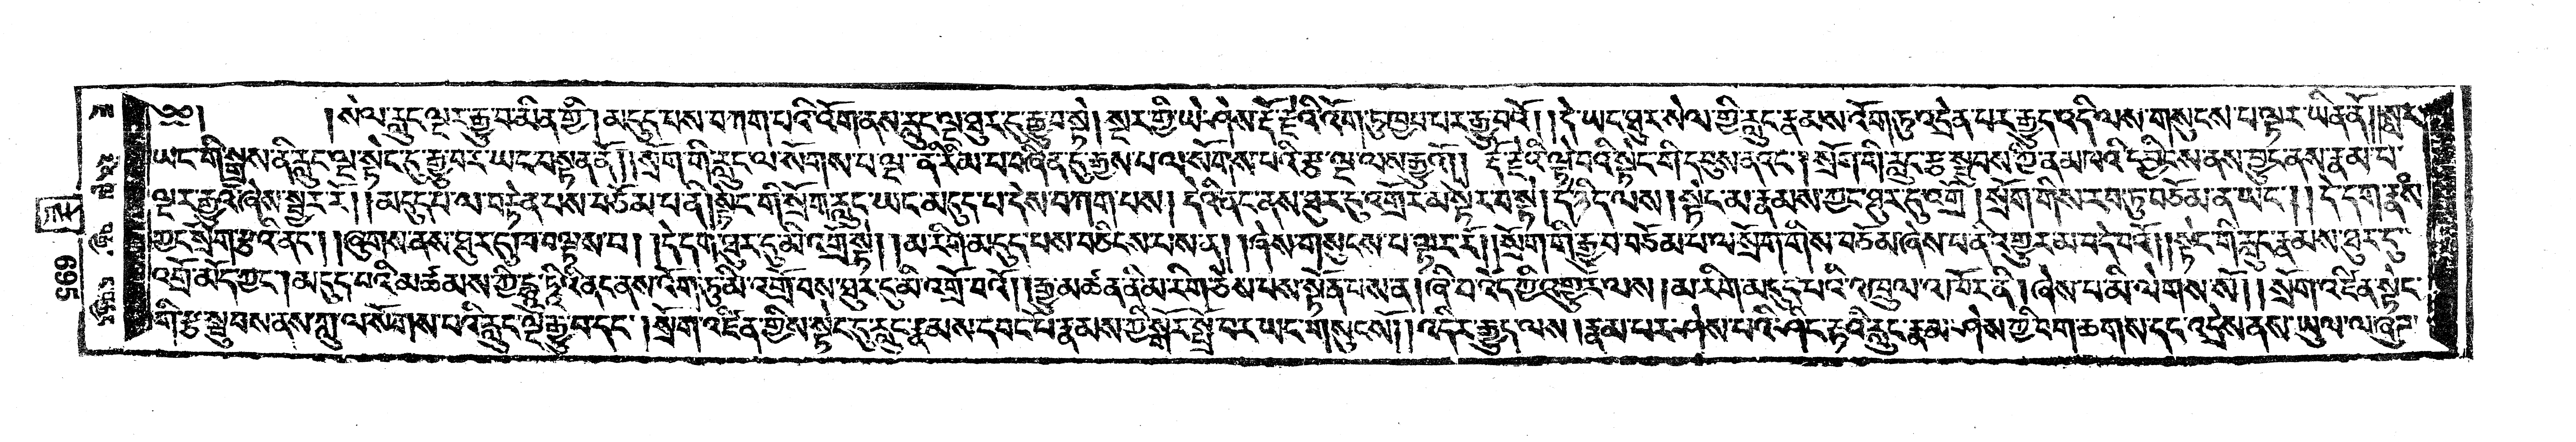༄༅། །སེལ་རླུང་ལྔར་རྒྱུ་བ་མིན་གྱི། མདུད་པས་བཀག་པའི་འོག་ནས་རླུང་ལྔ་ཐུར་དུ་རྒྱུབ་སྟེ། སྔར་གྱི་ཡེ་ཤེས་རྡོ་རྗེའི་འོག་ཏུ་ཁྱབ་པར་རྒྱུ་བའོ། །དེ་ཡང་ཐུར་སེལ་གྱི་རླུང་རྣམས་འོག་ཏུ་འདྲེན་པར་རྒྱུད་འདི་ལས་གསུངས་པ་ལྟར་ཡིན་ནོ། །སླར་
ཡང་གི་སྒྲས་ནི་རླུང་ལྔ་སྟེང་དུ་རྒྱུ་བར་ཡང་བསྟན་ནོ། །སྲོག་གི་རླུང་ལ་སོགས་པ་ལྔ་ནི་རིམ་པ་བཞིན་དུ་རྒྱས་པ་ལ་སོགས་པའི་རྩ་ལྔ་ལས་རྒྱུའོ། །རྡོ་རྗེའི་ལྟེ་བའི་སྟེང་གི་དབུས་ནའང་།སྲོག་གི་རླུང་རྩ་སྦུབས་ཀྱི་ནམ་མཁའི་དབྱིངས་ནས་བྱུང་ནས་རྣམ་པ་
ལྔར་རྒྱུའི་ཞེས་སྦྱར་རོ། །མདུད་པ་ལ་བརྟེན་པས་བཅོམ་པ་ནི། སྟེང་གི་སྲོག་རླུང་ཡང་མདུད་པ་དེས་བཀག་པས། དེའི་ནང་ནས་ཐུར་དུ་འགྲོར་མི་སྟེར་བ་སྟེ། དེ་ཉིད་ལས། སྟེང་མ་རྣམས་ཀྱང་ཐུར་དུ་འགྲོ་།སྲོག་གིས་རབ་ཏུ་བཅོམ་ན་ཡང་། །དེ་དག་རྣམས་
ཀྱང་སྲོག་རྩའི་ནང་། །ཞུགས་ནས་ཐུར་དུ་ཁ་བལྟས་པ། །དེ་དག་ཐུར་དུ་མི་འགྲོ་སྟེ། །མ་རིག་མདུད་པས་བཅིངས་པས་ན། །ཞེས་གསུངས་པ་ལྟར་རོ། །སྲོག་གི་རྒྱུ་བ་བཅོམ་པ་ལ་སྲོག་གིས་བཅོམ་ཞེས་པ་ནི་འགྱུར་མ་བདེ་བའོ། །སྟེང་གི་རླུང་རྣམས་ཐུར་དུ་
འགྲོ་མོད་ཀྱང་། མདུད་པའི་མཚམས་ཀྱི་དྷཱུ་ཏཱིའི་ནང་ནས་འོག་ཏུ་མི་འགྲོ་བས་ཐུར་དུ་མི་འགྲོ་བའོ། །རྒྱུ་མཚན་ནི་མ་རིག་ཅེས་པས་སྟོན་པས་ན། ཞི་བ་འོད་ཀྱི་འགྱུར་ལས། མ་རིག་མདུད་པའི་འཁྲུལ་འཁོར་ནི། ཞེས་པ་མི་ལེགས་སོ། །སྲོག་འཛིན་སྟེང་
གི་རྩ་སྦུབས་ནས་ཀླུ་ལ་སོགས་པའི་རླུང་ལྔ་རྒྱུ་བ་དང་། སྲོག་འཛིན་གྱིས་སྟེང་དུ་རླུང་རྣམས་དབང་པོ་རྣམས་ཀྱི་སྒོར་སྤྲོ་བར་ཡང་གསུངས་སོ། །འདིར་རྒྱུད་ལས། རྣམ་པར་ཤེས་པའི་ཤིང་རྟའི་རླུང་རྣམ་ཤེས་ཀྱི་བག་ཆགས་དང་འདྲེས་ནས་ཡུལ་ལ་ཞུགས་